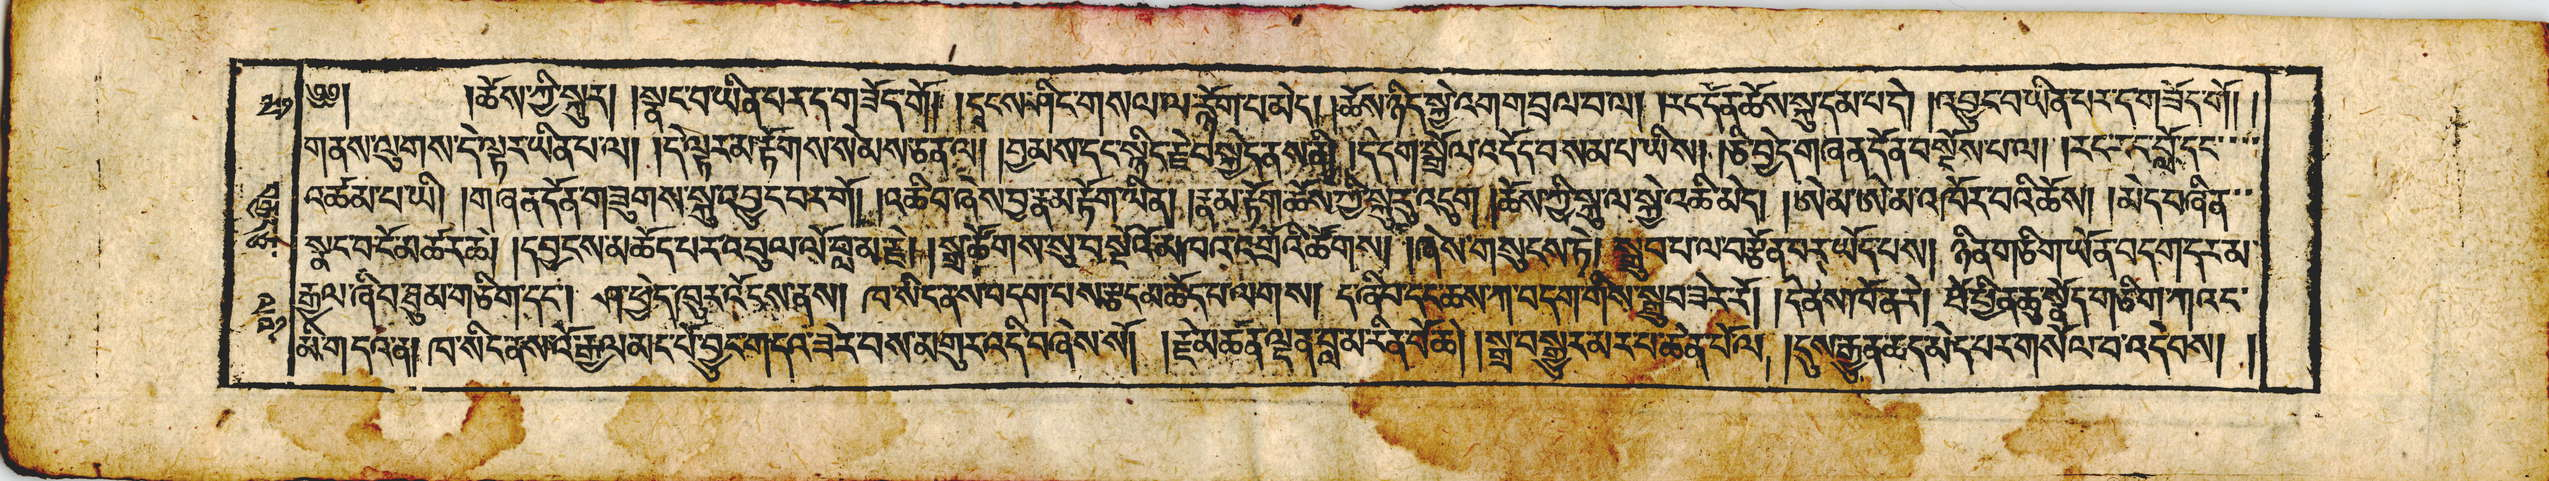ཆོས་ཀྱི་སྐུར། །སྣང་བ་ཡིན་པར་ད་གཟོད་གོ། །དྭངས་ཤིང་གསལ་ལ་རྟོག་བ་མེད། །ཆོས་ཉིད་སྐྱེ་འགག་བྲལ་བ་ལ། །རང་དོན་ཆོས་སྐུ་དམ་པ་དེ། །འབྱུང་བ་ཡིན་རར་ད་གཟོད་གོ། 
གནས་ལུགས་དེ་ལྟར་ཡིན་པ་ལ། །དེ་ལྟར་མ་རྟོགས་སེམས་ཅན་ལ། །བྱམས་དང་སྙིང་རྗེ་བསྐྱེད་ནས་ཀྱི །དེ་དག་སྒྲོལ་འདོད་བསམ་པ་ཡིས། །ཅི་བྱེད་གཞན་དོན་བསྔོས་པ་ལ། །རང་རང་བློ་དང་
འཚམ་པ་ཡི། །གཞན་དོན་གཟུགས་སྐུ་འབྱུང་བར་གོ། །འཆི་བ་ཞེས་བྱ་རྣམ་རྟོག་ཡིན། རྣམ་ག་ཆོས་ཀྱི་སྐུ་རུ་འདུག ཆོས་ཀྱི་སྐུ་ལ་སྐྱེ་འཆི་མེད། །ཨེ་མ་ཨེ་མ་འཁོར་བའི་ཆོས། །མེད་བཞིན་
སྣང་བ་ངོ་མཚར་ཆེ། །དབྱངས་མཆོད་པར་འབུལ་ལོ་བླ་མ་རྗེ། །སྒྲ་ཚོགས་སུ་བསྔོའོ་མཁའ་འགྲོའི་ཆོགས། །ཞེས་གསུངས་ཏེ། སྒྲུབ་པ་ལ་བརྩོན་པར་ཡོད་པས། ཉིན་གཅིག་ཡོན་བདག་དང་
རྒྱལ་ཞིབ་ཐུམ་གཅིག་དང་། ཤ་ཕྱེད་ཁུར་འོངས་ནས། ཁ་སིང་ནས་བདག་པས་རྩང་མཆོདཔ་ལགས། ད་ཞིབ་དང་ཆས་ཀ་བདག་གིས་སྒྲུབ་ཟེར་རོ། །དེ་ནས་ཁོ་ན་རེ། ཐོ་ཕྱིན་ཆུ་སྣོད་གཅིག་ཀའང་
མི་གདའ་ན། ཁ་སེང་ནས་འོ་བརྒྱལ་མང་པོ་བྱུང་གདའ་ཟེར་བས་མགུར་འདི་བཞེས་སོ། །རྗེ་མཚན་ལྡན་བླ་མ་རིན་པེ་ཆེ། །སྒྲ་བསྒྱུར་མར་པ་ཆེན་པོ་ལ། །དུས་རྒྱུུན་ཆད་མེད་པར་གསོལ་བ་འདེབས།